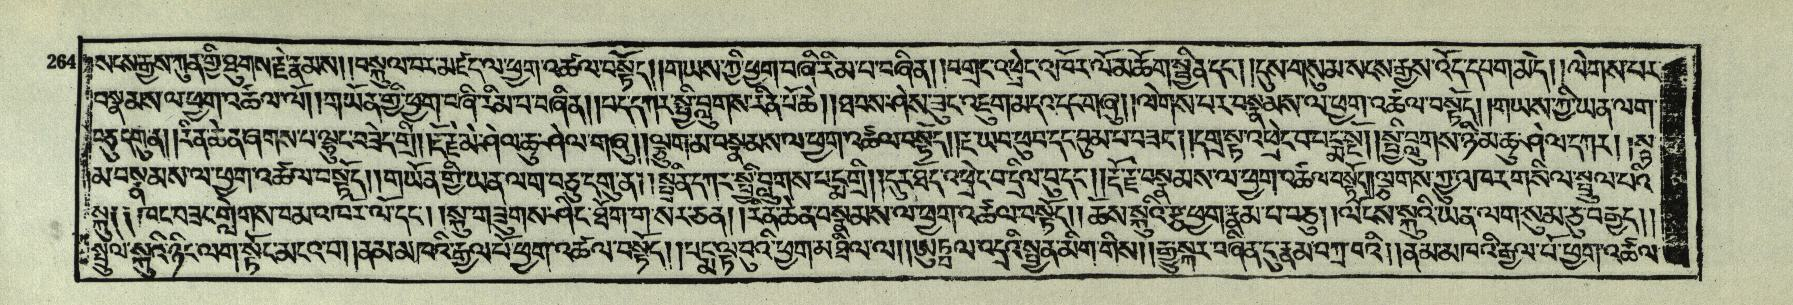སངས་རྒྱས་ཀུན་གྱི་ཐུགས་རྗེ་རྣམས། །བསྐུལ་བར་མཛད་ལ་ཕྱག་འཚལ་བསྟོད། །གཡས་ཀྱི་ཕྱག་བཞི་རིམ་པ་བཞིན། །བགྲང་འཕྲེང་འཁོར་ལོ་མཆོག་སྦྱིན་དང་། །དུས་གསུམ་སངས་རྒྱས་འོད་དཔག་མེད། །ལེགས་པར་
བསྣམས་ལ་ཕྱག་འཚལ་ལོ། །གཡོན་གྱི་ཕྱག་བཞི་རིམ་པ་བཞིན། །པད་དཀར་སྤྱི་བླུགས་རིན་པོ་ཆེ། །ཐབས་ཤེས་ཟུང་འཇུག་མདའ་དང་གཞུ། །ལེགས་པར་བསྣམས་ལ་ཕྱག་འཚལ་བསྟོད། །གཡས་ཀྱི་ཡན་ལག་
བཅུ་དགུན། །རིན་ཆེན་ཞགས་པ་ལྷུང་བཟེད་གྲི། །རྡོ་རྗེ་མེ་ཤེལ་ཆུ་ཤེལ་གཞུ། །ལྕུག་མ་བསྣམས་ལ་ཕྱག་འཚལ་བསྟོད། །རྔ་ཡབ་ཕུབ་དང་བུམ་པ་བཟང་། །དགྲ་སྟ་འཕྲེང་བ་པདམ་སྔོ། །སྤྱི་བླུགས་ཉི་མ་ཆུ་ཤེལ་དཀར། །སྙ་
མ་བསྣམས་ལ་ཕྱག་འཚལ་བསྟོད། །གཡོན་གྱི་ཡལ་ལག་བཅུ་དགུ་ན། །སྤྲིན་དཀར་སྤྱི་བླུགས་པདམ་གྲི། །དུར་ཐོད་འཕྲེང་བ་དྲིལ་བུ་དང་། །རྡོ་རྗེ་བསྣམས་ལ་ཕྱག་འཚལ་བསྟོད། །ལྕགས་ཀྱུ་འཁར་གསིལ་སྤྲུལ་པའི་
སྐུ༑ ༑ཁང་བཟང་གླེགས་བམ་འཁོར་ལོ་དང་། །སྐུ་གཟུགས་ཤིང་ཐོག་གསར་ཅན། །རིན་ཆེན་བསྣམས་ལ་ཕྱག་འཚལ་བསྟོད། །ཆོས་སྐུའི་རྩ་ཕྱག་རྣམ་པ་བཅུ། །ལོངས་སྐུའི་ཡན་ལག་སུམ་ཅུ་བརྒྱད། །
སྤྲུལ་སྐུའི་ཉིང་ལག་སྟོང་མངའ་བ། །ནམ་མཁའི་རྒྱལ་པོ་ཕྱག་འཚལ་བསྟོད། །པདམ་ལྟ་བུའི་ཕྱག་མཐིལ་ལ། །ཨུཏྤལ་འདྲའི་སྤྱན་མིག་གིས། །རྒྱུ་སྐར་བཞིན་དུ་རྣམ་བཀྲ་བའི། །ནམ་མཁའི་རྒྱལ་པོ་ཕྱག་འཚལ་